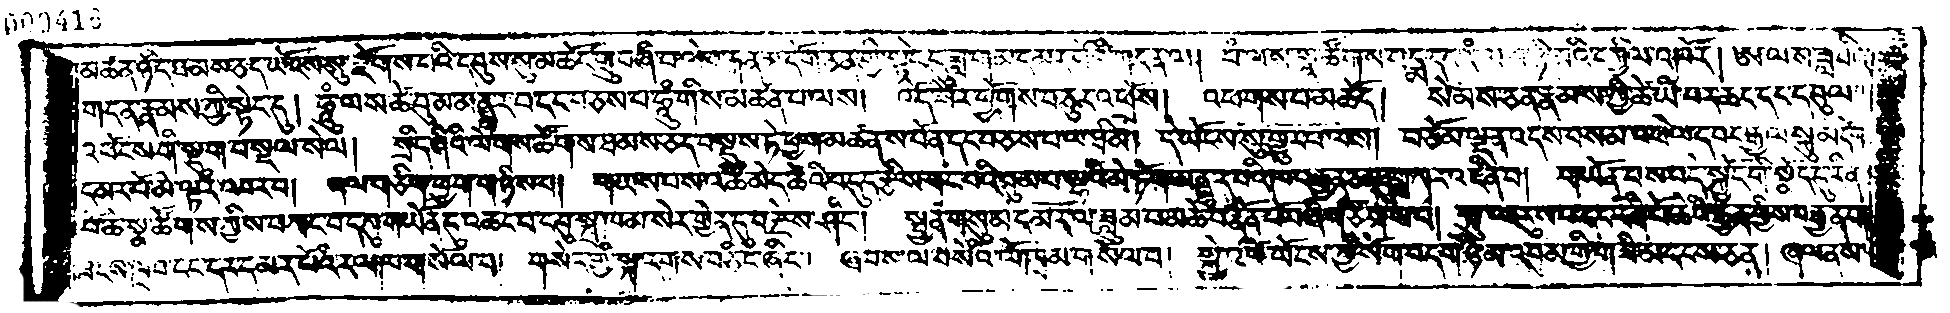མཚན་ཉིད་ཐམས་ཅད་ཡོངས་སུ་རྫོགས་པའི་དབུས་སུ་མཆོད་གྲུ་བཞི་བ་ལེབ་རྒན་མདོག་ཅན་གྱི་སྟེང་དུ་ཟླ་གམ་དམར་པོའི་གདན་ལ། པཾ་ལས་སྣ་ཚོགས་པདམ་དང་རཾ་ལས་ཉི་མའི་དཀྱིལ་འཁོར། ཨ་ལས་ཟླ་བའི་
གདན་རྣམས་ཀྱི་སྟེང་དུ། ཧཱུཾ་ལས་ཚེ་བུམ་མནྡྷ་ར་བ་དང་བཅས་པ་ཧཱུཾ་གིས་མཚན་པ་ལས། འོད་ཟེར་ཕྱོགས་བཅུར་འཕྲོས། འཕགས་པ་མཆོད། སེམས་ཅན་རྣམས་ཀྱི་ཚེ་ཡི་བར་ཆད་དང་དབུལ་
འཕོངས་གི་སྡུག་བསྔལ་སེལ། སྲིད་ཞིའི་ལེགས་ཚོགས་ཐམས་ཅད་བསྡུས་ཏེ་ཕྱག་མཚན་ས་བོན་དང་བཅས་པ་ལ་ཐིམ། དེ་ཡོངས་སུ་གྱུར་བ་ལས། བཅོམ་ལྡན་འདས་བསམ་འཕེལ་དབང་རྒྱལ་སྐུ་མདོག་
དམར་པོ་མེ་ལྟར་འབར་བ། ཞལ་གཅིག་ཕྱག་གཉིས་པ། གཡས་པས་འཆི་མེད་ཚེའི་བདུད་རྩིས་གང་བའི་བུམ་པ་ལྷའི་མེ་ཏོག་མནྡྷ་ར་བའི་ཁ་བརྒྱན་ཅན་ཐུགས་ཀར་འཛིན་པ། གཡོན་པས་བདེ་སྐྱོང་གི་སྣོད་དུ་རིན་
པོ་ཆེ་སྣ་ཚོགས་ཀྱིས་བཀང་བ་དགུ་གཡོན་དུ་འཆང་བ་དབུ་སྐྲ་ཁམ་སེར་གྱེན་དུ་བརྫེས་ཤིང་། སྤྱན་གསུམ་དམར་ལ་ཟླུམ་པ་མཆེ་བ་རྣོན་པོ་བཞི་གཙིགས་པ། སྐུ་ལ་རུས་པ་དང་རིན་པོ་ཆེའི་རྒྱན་གྱིས་བརྒྱན་པ།
ཟངས་ཁྲབ་དང་དར་དམར་པོའི་རལ་ཁ་གསོལ་བ། གསེར་གྱི་སྐ་རགས་བཅིང་ཞིང་། ཞབས་ལ་བསེའི་ལོ་ཁྲམ་གསོལ་བ། སྐྱེ་འགྲོ་ཡོངས་ཀྱི་སྲོག་བདག་ཉི་མ་འབུམ་གྱི་གཟི་མདངས་ཅན། ཞལ་ནས་